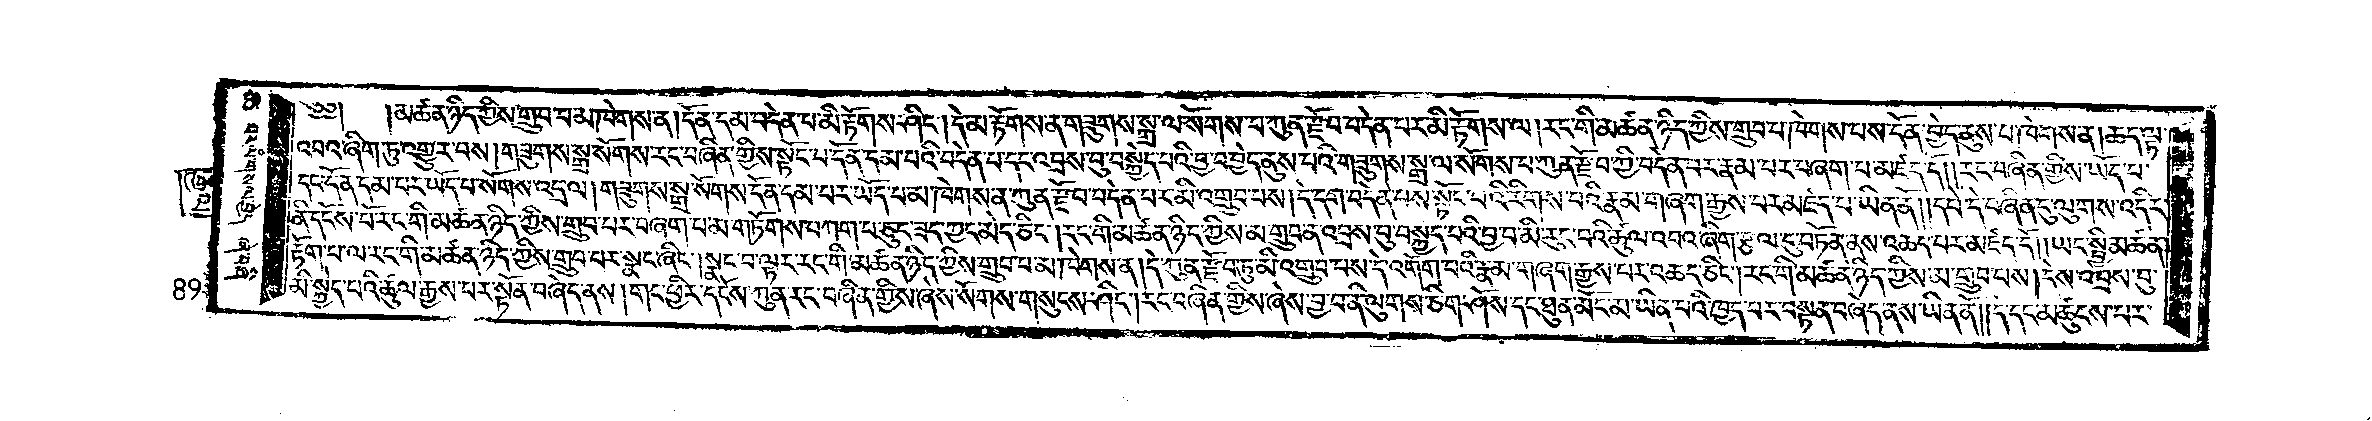༄༅། །མཚན་ཉིད་ཀྱིས་གྲུབ་པ་མ་ཁེགས་ན། དོན་དམ་བདེན་པ་མི་རྟོགས་ཤིང་། དེ་མ་རྟོགས་ན་གཟུགས་སྒྲ་ལ་སོགས་པ་ཀུན་རྫོབ་བདེན་པར་མི་རྟོགས་ལ། རང་གི་མཚན་ཉིད་ཀྱིས་གྲུབ་པ་ཁེགས་པས་དོན་བྱེད་ནུས་པ་ཁེགས་ན། ཆད་ལྟ་
འབའ་ཞིག་ཏུ་འགྱུར་བས། གཟུགས་སྒྲ་སོགས་རང་བཞིན་གྱིས་སྟོང་པ་དོན་དམ་པའི་བདེན་པ་དང་འབྲས་བུ་བསྐྱེད་པའི་བྱ་བ་བྱེད་ནུས་པའི་གཟུགས་སྒྲ་ལ་སོགས་པ་ཀུན་རྫོབ་ཀྱི་བདེན་པར་རྣམ་པར་བཞག་པ་མཛད་དོ། །རང་བཞིན་གྱིས་ཡོད་པ་
དང་དོན་དམ་པར་ཡོད་པ་སོགས་འདྲ་ལ། གཟུགས་སྒྲ་སོགས་དོན་དམ་པར་ཡོད་པ་མ་ཁེགས་ན་ཀུན་རྫོབ་བདེན་པར་མི་འགྲུབ་པས། དེ་དག་བདེན་པས་སྟོང་པའི་རིགས་པའི་རྣམ་གཞག་རྒྱས་པར་མཛད་པ་ཡིན་ནོ། །དཔེ་དེ་བཞིན་དུ་ལུགས་འདིར་
ནི་དངོས་པོ་རང་གི་མཚན་ཉིད་ཀྱིས་གྲུབ་པར་བཞག་པ་མ་གཏོགས་བཀག་པ་ཅུང་ཟད་ཀྱང་མེད་ཅིང་། རང་གི་མཚན་ཉིད་ཀྱིས་མ་གྲུབ་ན་འབྲས་བུ་བསྐྱེད་པའི་བྱ་བ་མི་རུང་བའི་ཚུལ་འབའ་ཞིག་རྩལ་དུ་བཏོན་ནས་འཆད་པར་མཛད་དོ། །ཡང་སྤྱི་མཚན་
རྟོག་པ་ལ་རང་གི་མཚན་ཉིད་ཀྱིས་གྲུབ་པར་སྣང་ཞིང་། སྣང་བ་ལྟར་རང་གི་མཚན་ཉིད་ཀྱིས་གྲུབ་པ་མ་ཁེགས་ན། དེ་ཀུན་རྫོབ་ཏུ་མི་འགྲུབ་པས་དེ་འགོག་པའི་རྣམ་གཞག་རྒྱས་པར་འཆད་ཅིང་། རང་གི་མཚན་ཉིད་ཀྱིས་མ་གྲུབ་པས། དེས་འབྲས་བུ་
མི་སྐྱེད་པའི་ཚུལ་རྒྱས་པར་སྟོན་བཞེད་ནས། གང་ཕྱིར་དངོས་ཀུན་རང་བཞིན་གྱིས་ཞེས་སོགས་གསུངས་ཤིང་། རང་བཞིན་གྱིས་ཞེས་བྱ་བ་ནི་ལུགས་ཅིག་ཤོས་དང་ཐུན་མོང་མ་ཡིན་པའི་ཁྱད་པར་བསྟན་བཞེད་ནས་ཡིན་ནོ། །དེ་དང་མཚུངས་པར་